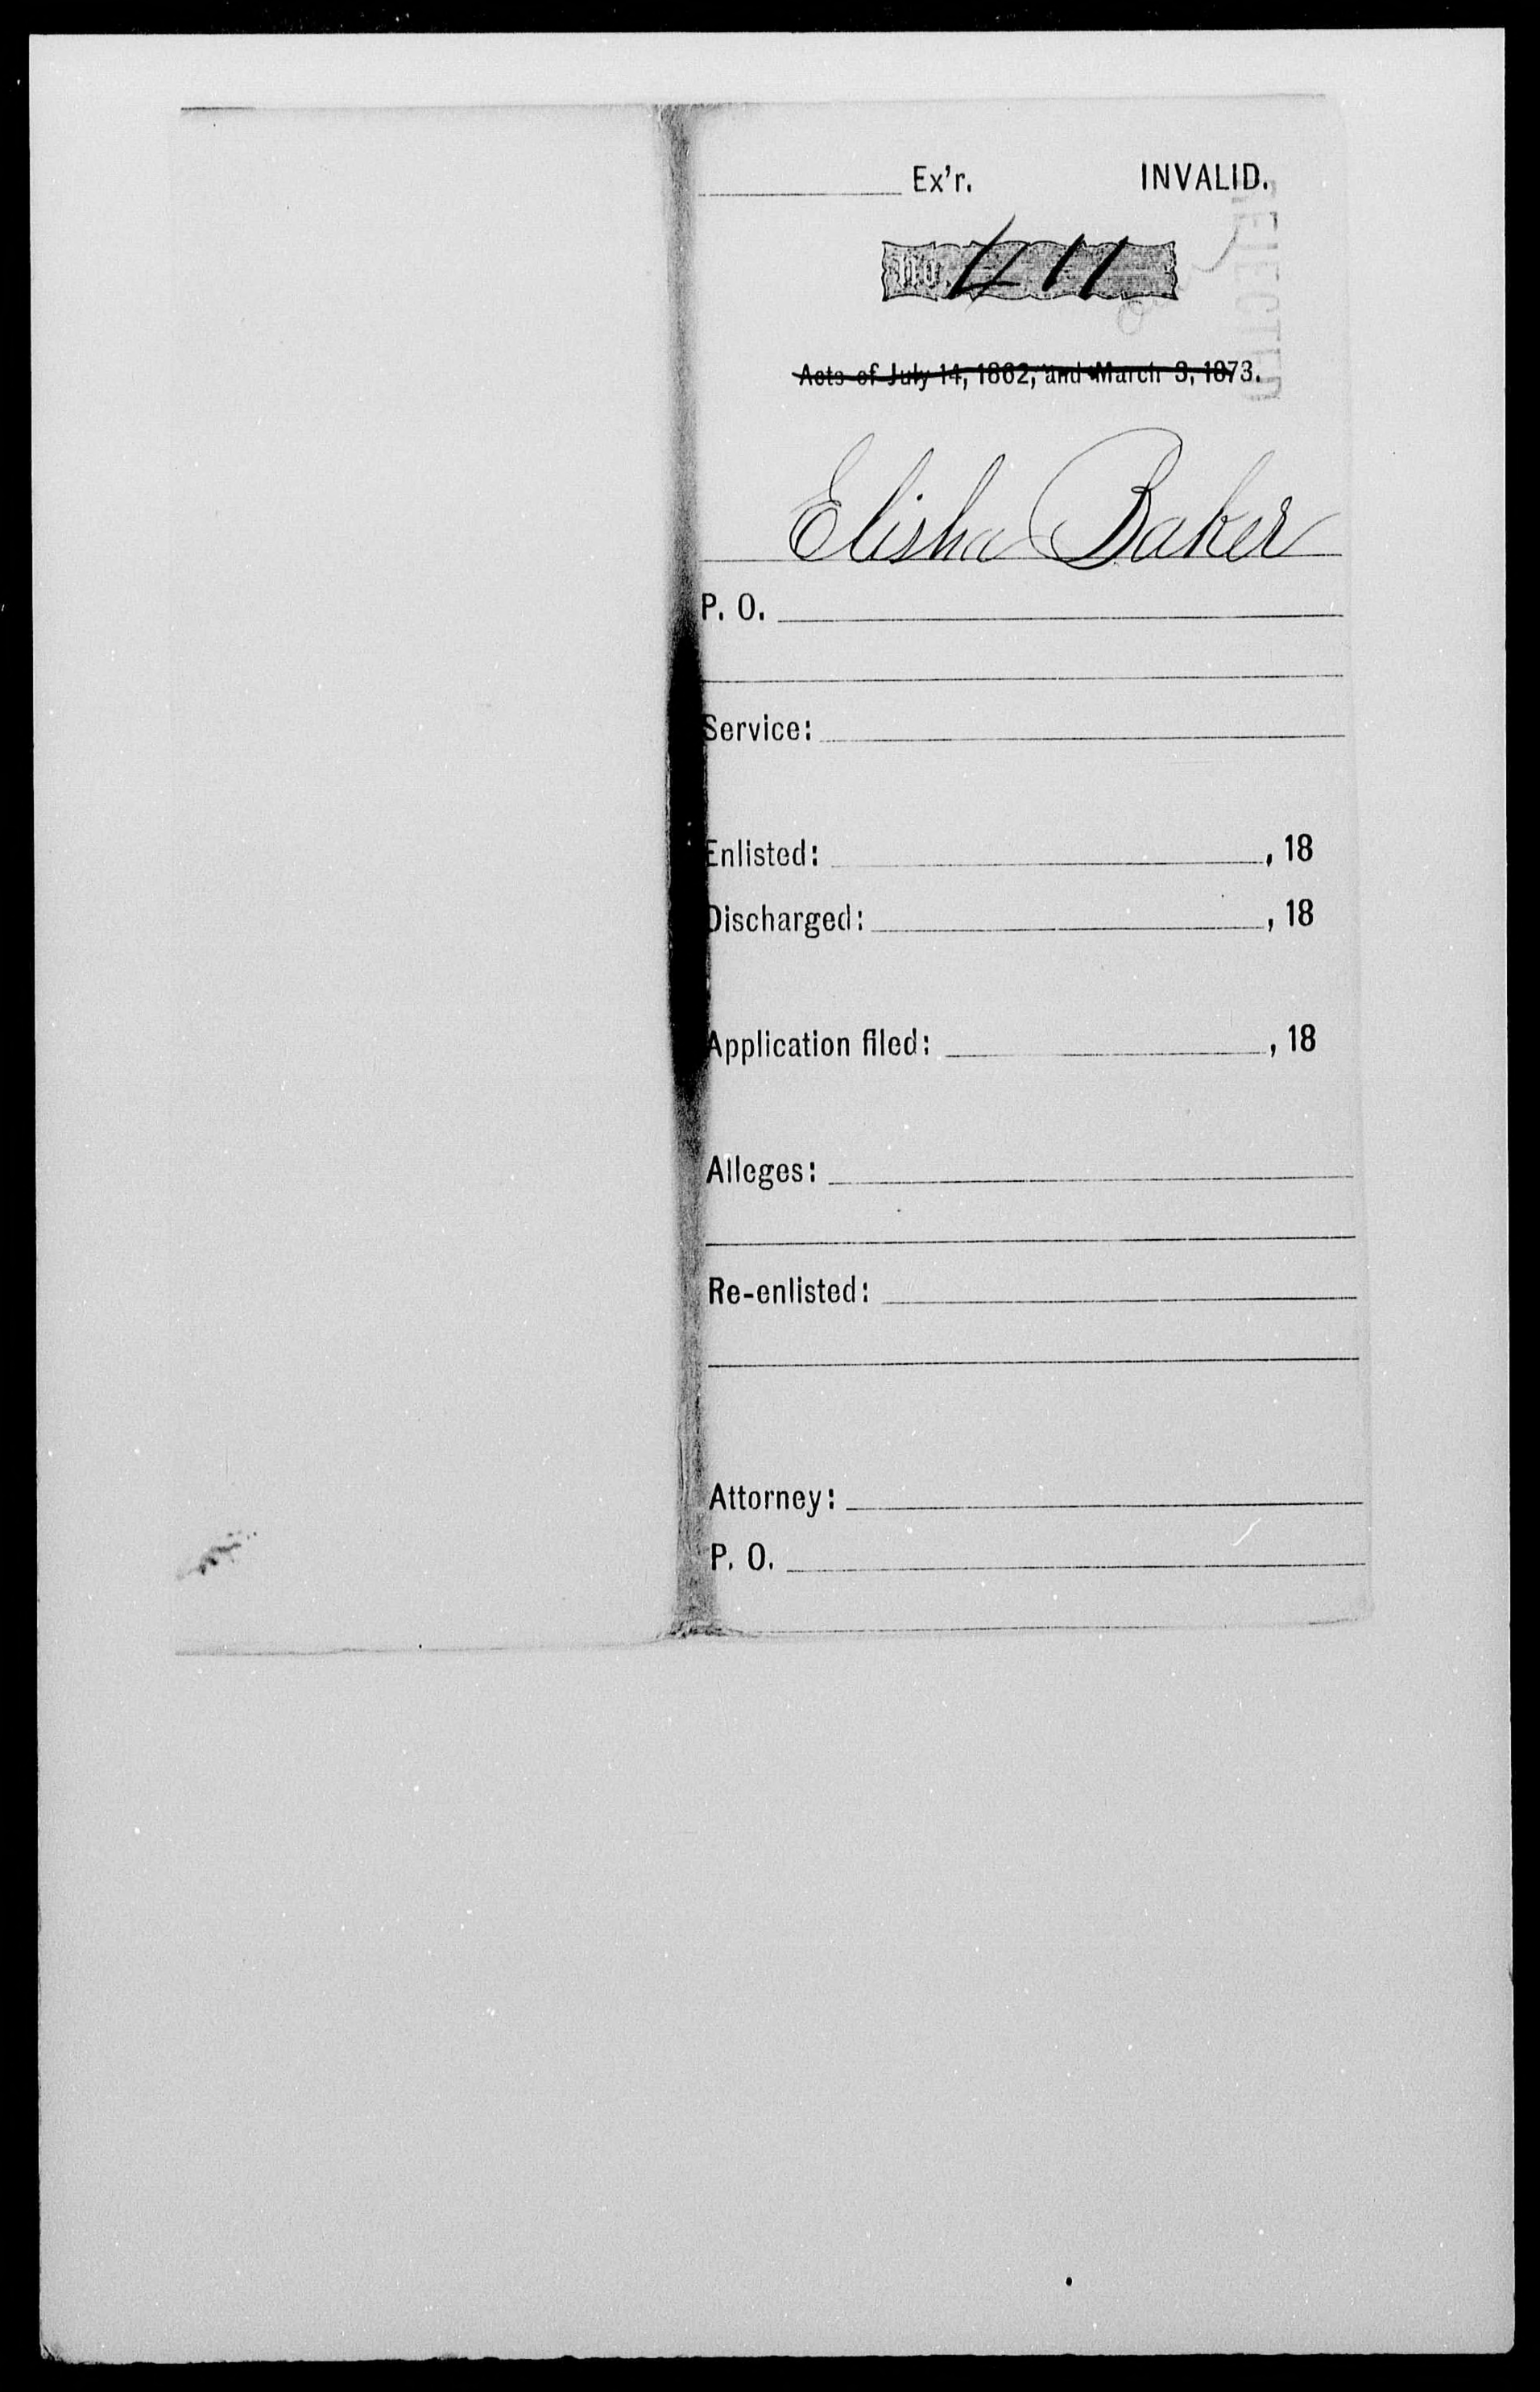Ex'r.  INVALID
[stamp] REJECTED
^Acts of July 14, 1862, at March 3, 1873.^[crossed out]
Elisha Baker
P.O.
Service:
Enlisted:
Discharged:
Application filed:
Alleges:
Re-enlisted:
Attorney:
P.O.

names: Elisha Baker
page: 18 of 22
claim: rejected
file: R. 411, Elisha Baker, N.C.